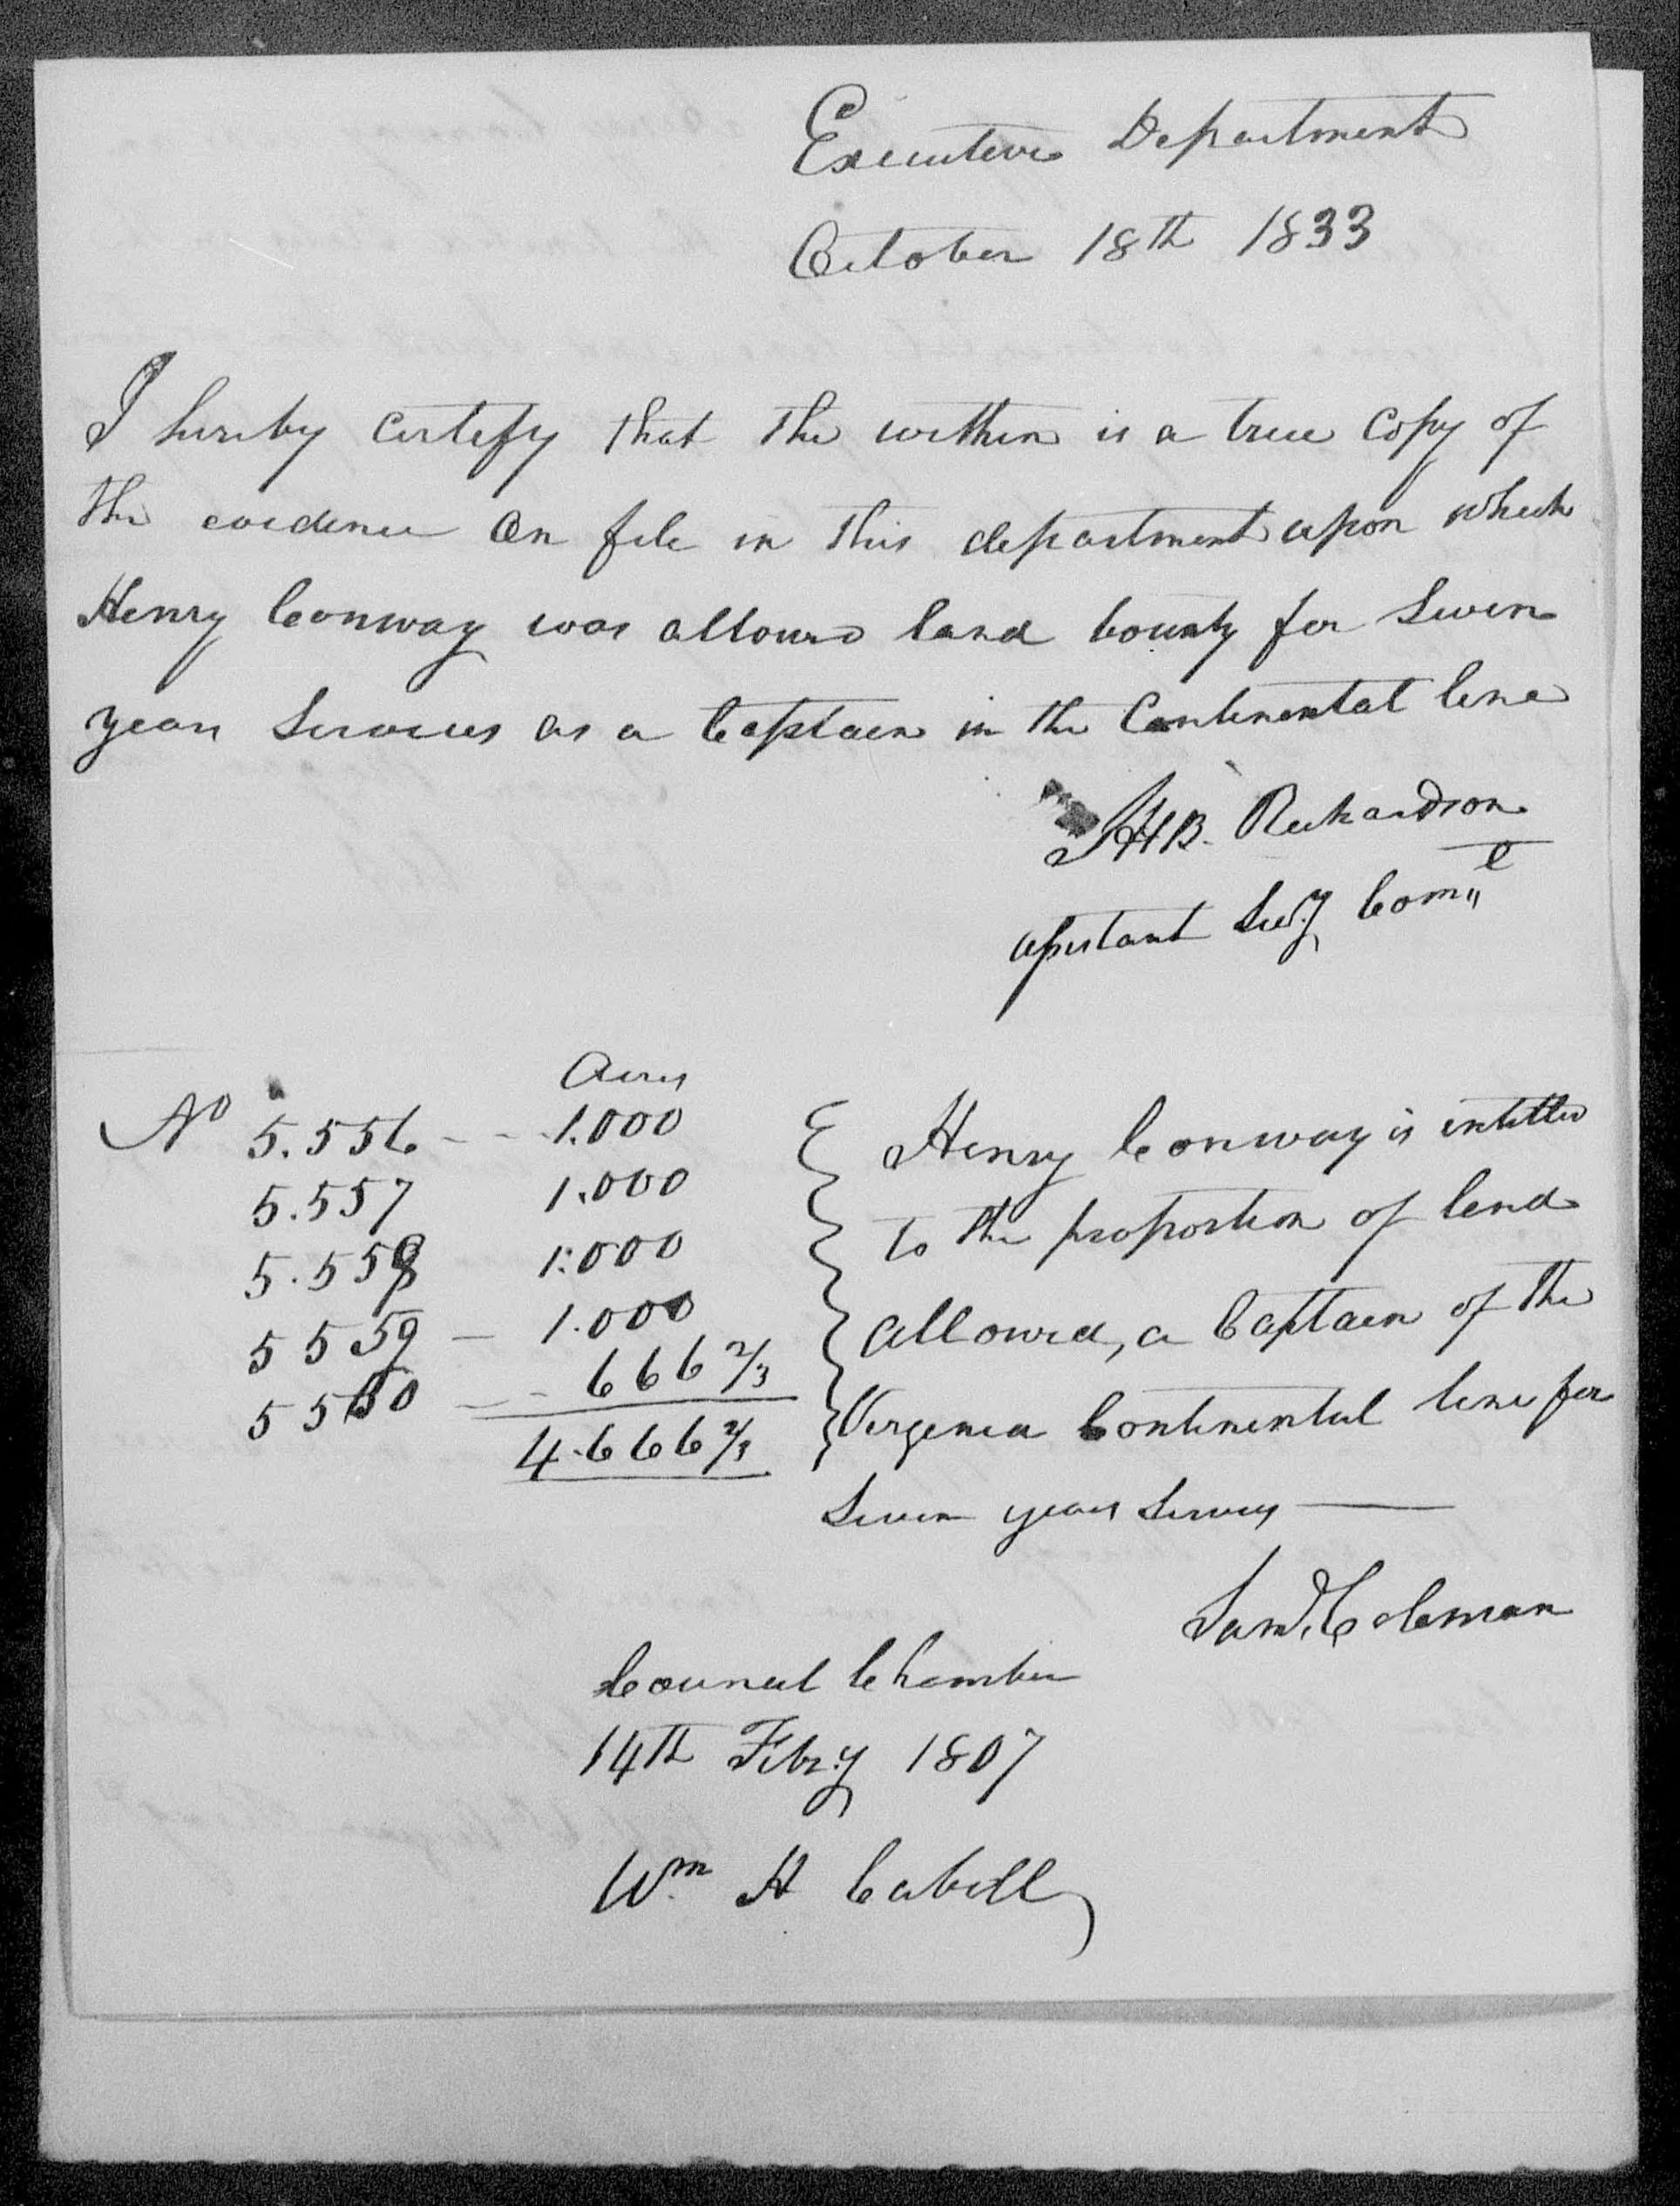Executive Department
October 18th 1833

I hereby certify that the within is a true copy of the evidence on file in the department upon which Henry Conway was allowed land bounty for seven year services as a Captain in the Continental line.

J.H.B. Richardson
Assistant Secretary Committee


No.   - Acres

5556 - 1000
5557 - 1000
5558 - 1000
5559 - 1000
5560  - 666 2/3
______________________

4666 2/3

Henry Conway is entitled to the proportion of land allowed a Captain of the Virginia Continental line for seven years service

Samuel Coleman


Council Chamber
14th February 1807

William H. Cabell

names: Henry Conway, Saml Coleman, Wm H Cabill, Henry Conway, J H B Richardson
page: 13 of 13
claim: widow's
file: W. 6,719, Henry Conway, Va.